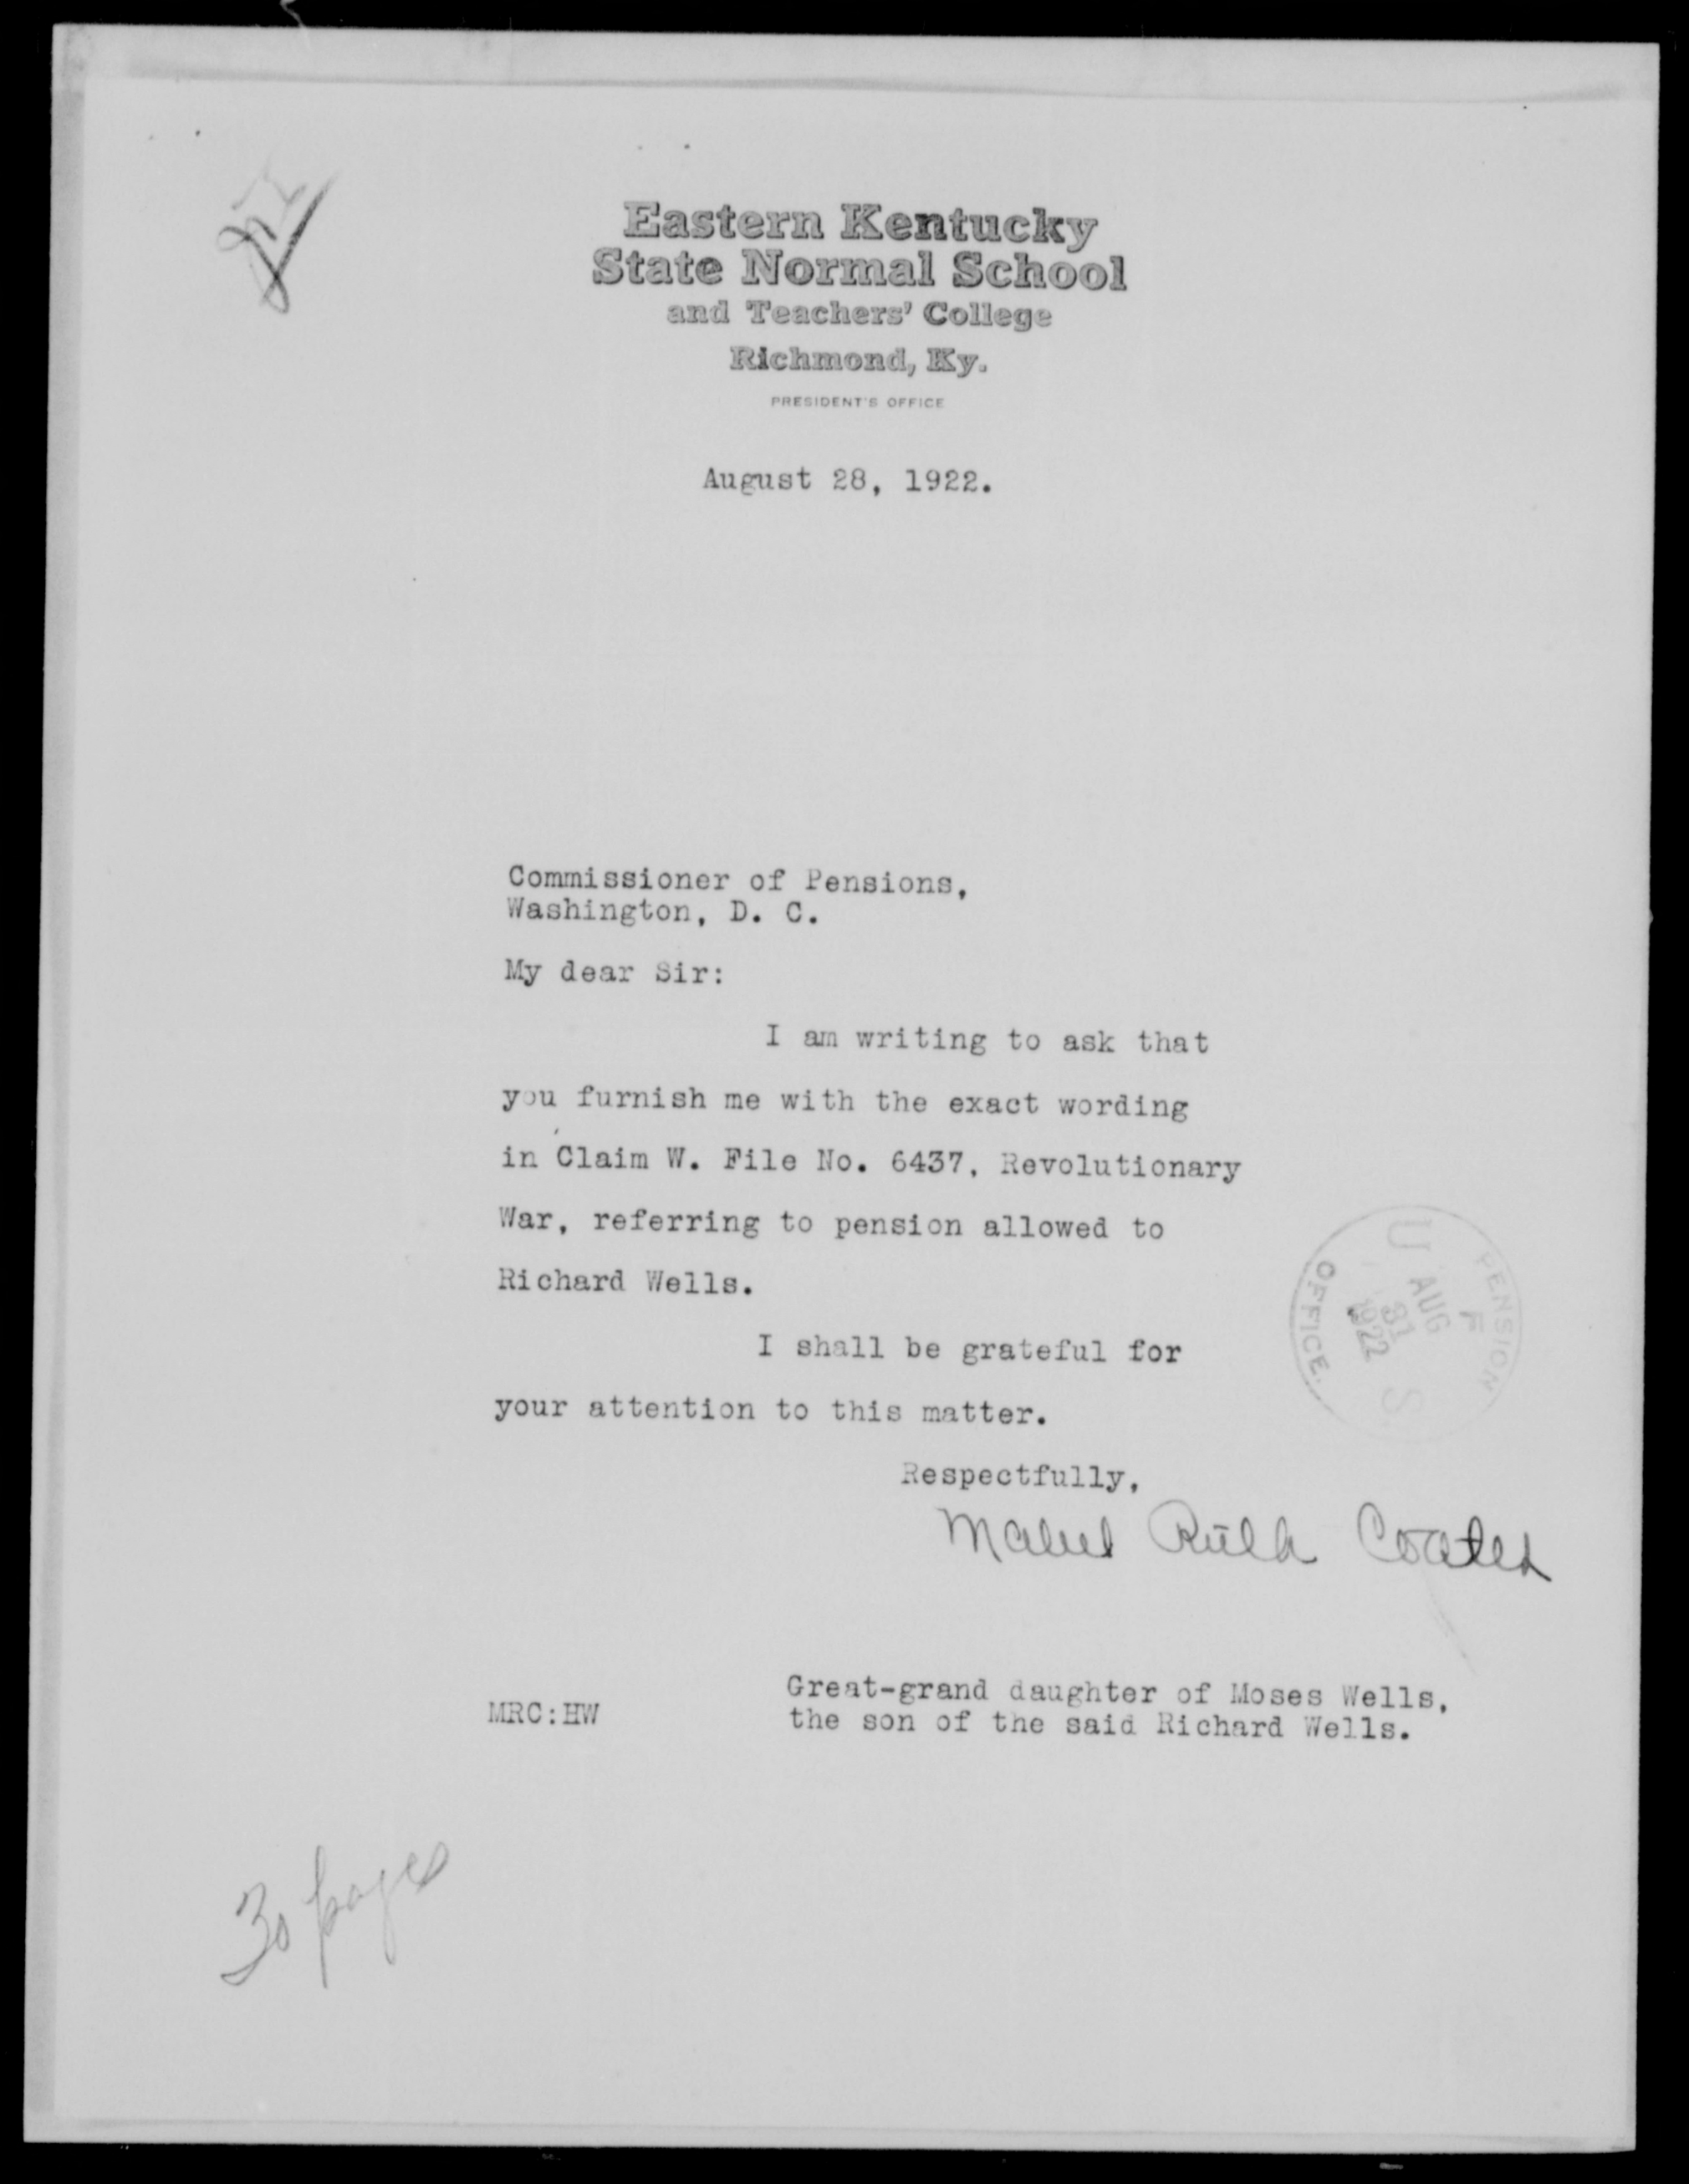[circle stamp-RIght margin]
PENSION OFFICE U S
AUG 31 1922

Eastern Kentucky
State Normal School
and Teachers' College
Richmond, Ky.
PRESIDENT'S OFFICE
August 28, 1922.
Commissioner of Pensions,
Washington, D. C.
My dear Sir:
I am writing to ask that
you furnish me with the exact wording
in Claim W. File No. 6437, Revolutionary
 War, referring to pension allowed to
Richard Wells.
I shall be grateful for
your attention to this matter.
Respectfully,
Mabel Ruth Coates
MRC: HW
Great - grand daughter of Moses Wells,
the son of the said Richard Wells.

30 pages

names: Mabel Ruth Coates, Moses Wells, Richard Wells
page: 83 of 100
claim: widow's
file: W. 6437, Richard Wells, Ga Va.